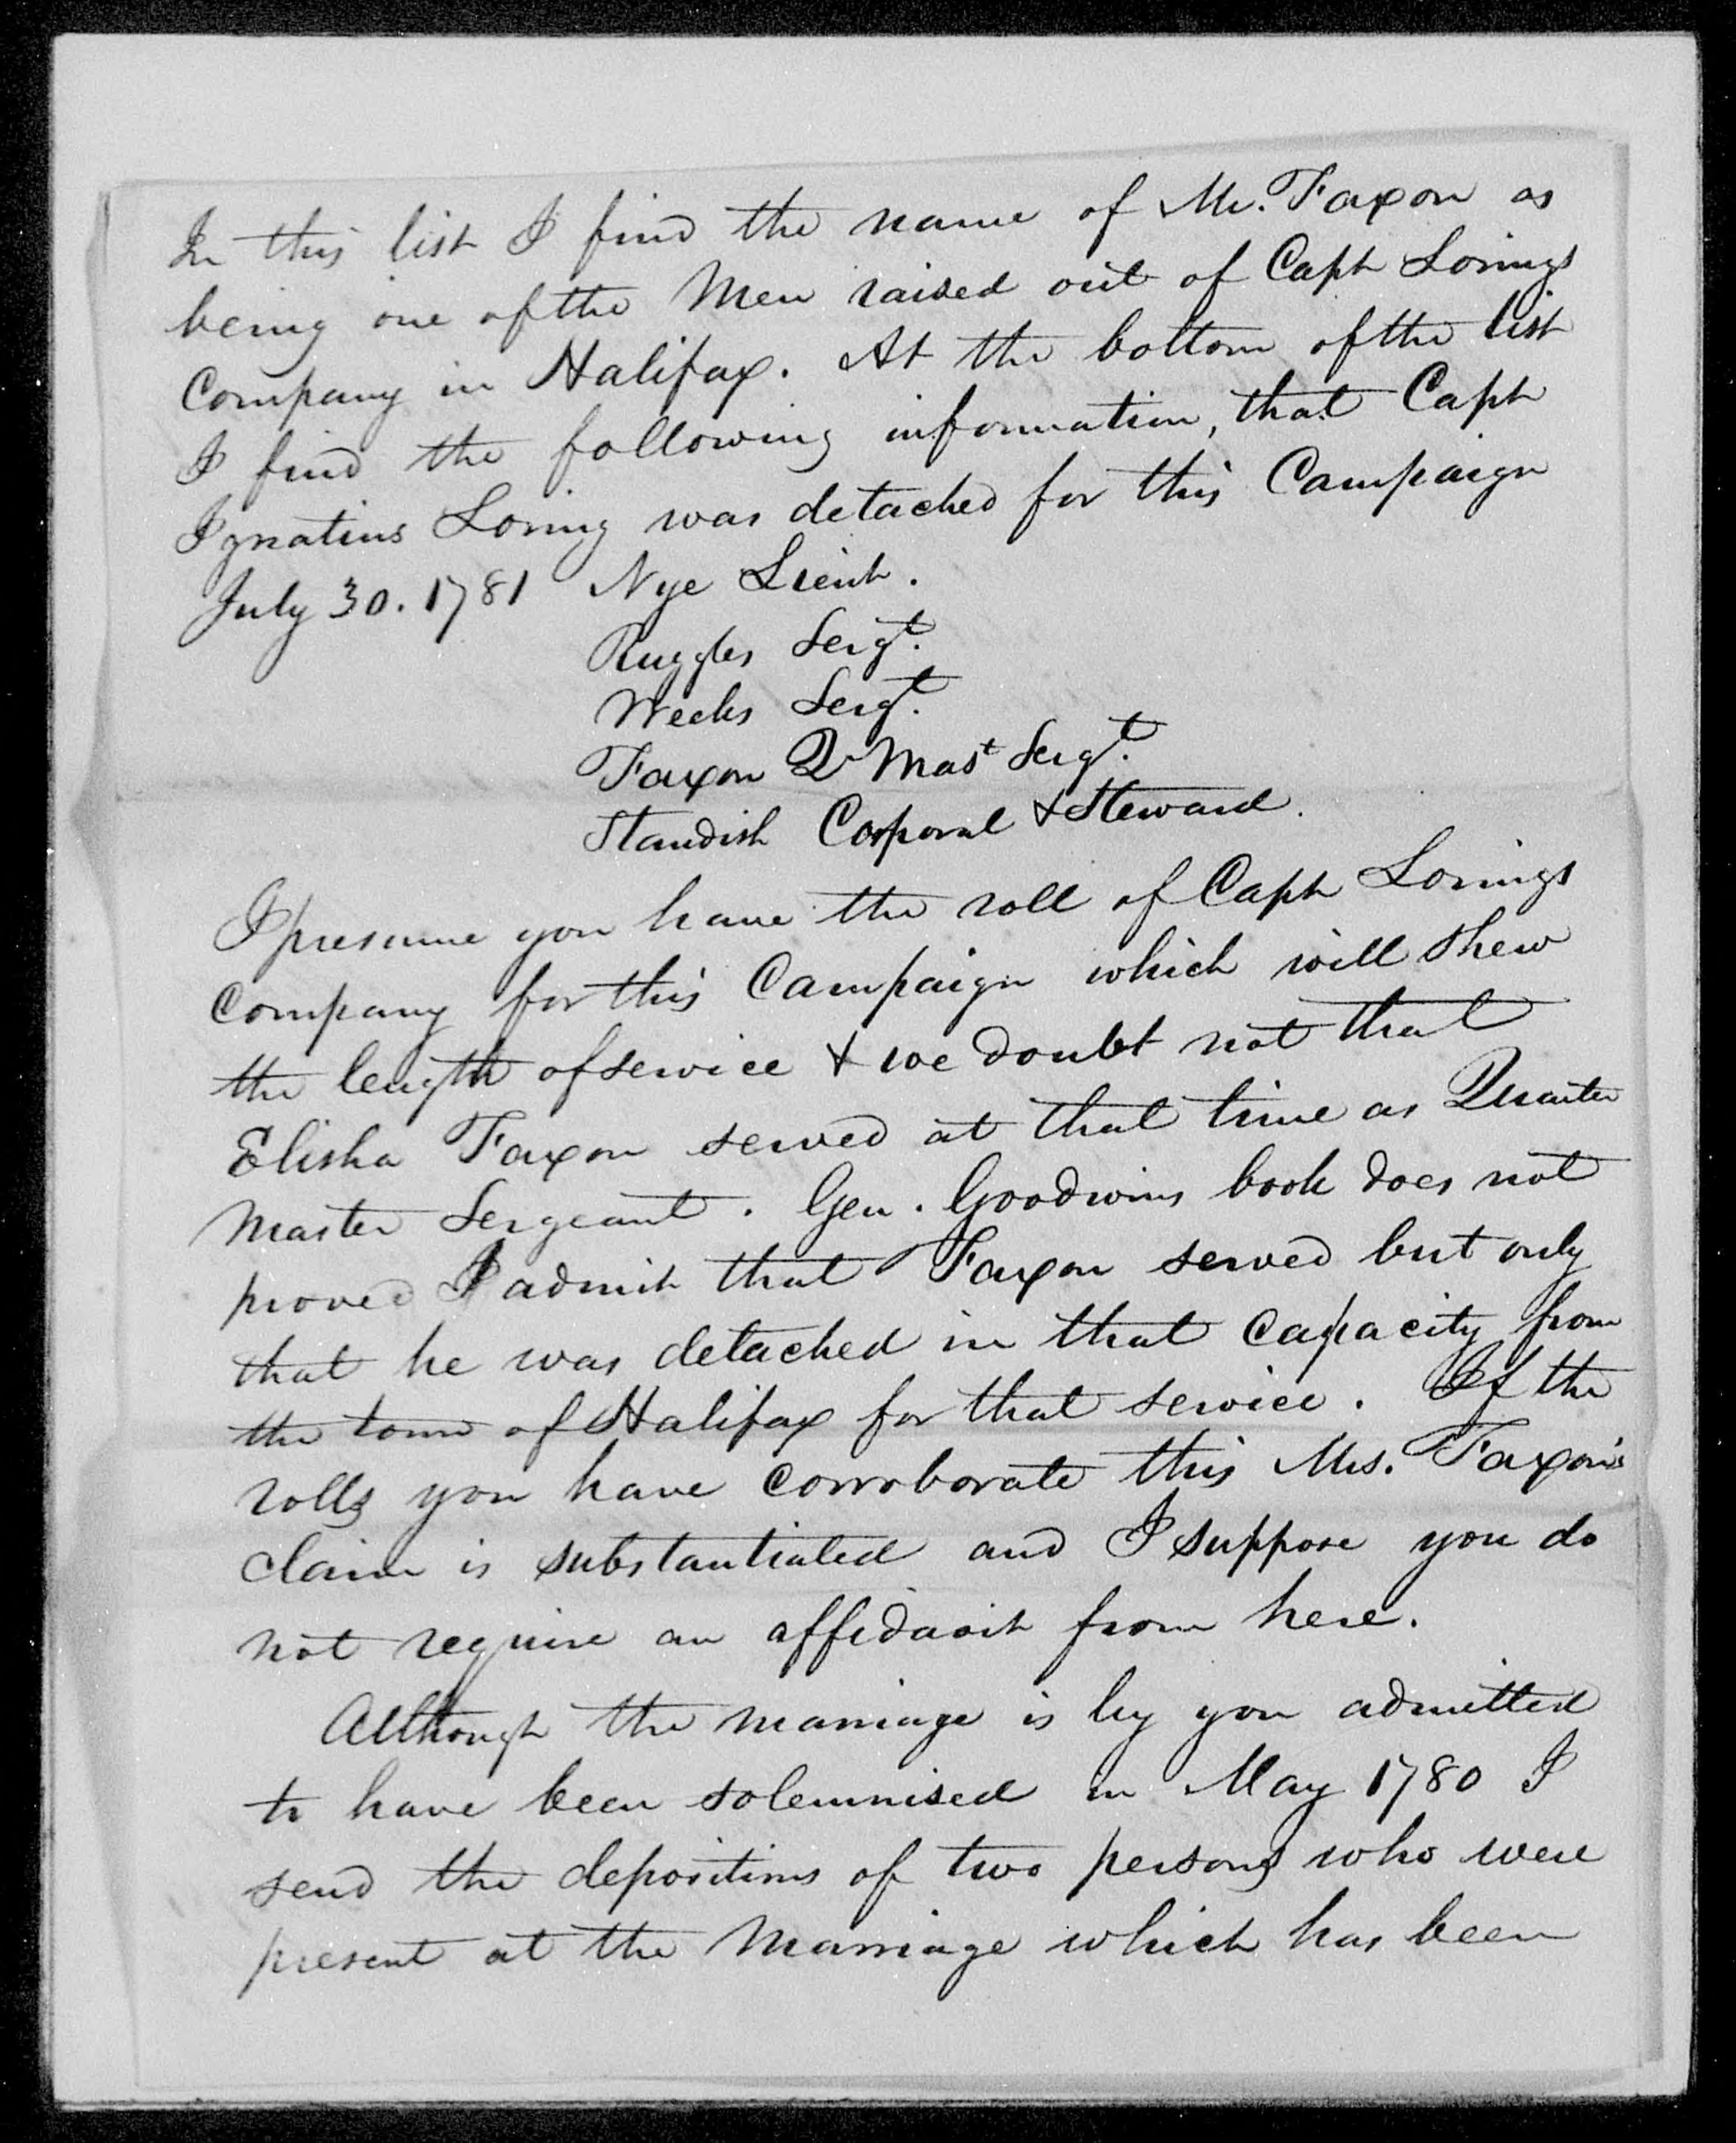In this list I find the name of Mr. Faxon as being one of the men raised out of Captain Loving's Company in Halifax. At the bottom of the list I find the following information that Captain Ignatius Loving was detached for this Campaign July 30 1781.
Nye Lieut.
Ruggles Sergt.
Weeks Sergt.
Faxon Quarter Master Sergt.
Standish Corporal and Steward

I presume you have the roll of Captain Loving's Company for this Campaign which will show the length of service and we doubt not that Elisha Faxon served at that time as Quarter Master Sergeant. General Goodwin's book does not prove I admit that Faxon served but only that he was detached in that capacity from the town of Halifax for that service. If the rolls you have corroborate this Mrs. Faxon's claim is substantiated and I suppose you do not receive an affidavit from here. 
Although the marriage is by you admitted to have been (illegible) in May 1780 I send the depositions of two persons who were present at the marriage which has been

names: Weeks, Faxon, Faxon, Standish, Ignatius Loving, Steward, Goodwin, Nye, Elisha Faxon, Faxon, Faxon, Ruggles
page: 44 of 47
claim: widow's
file: W. 14703, Elisha Faxon, Mass